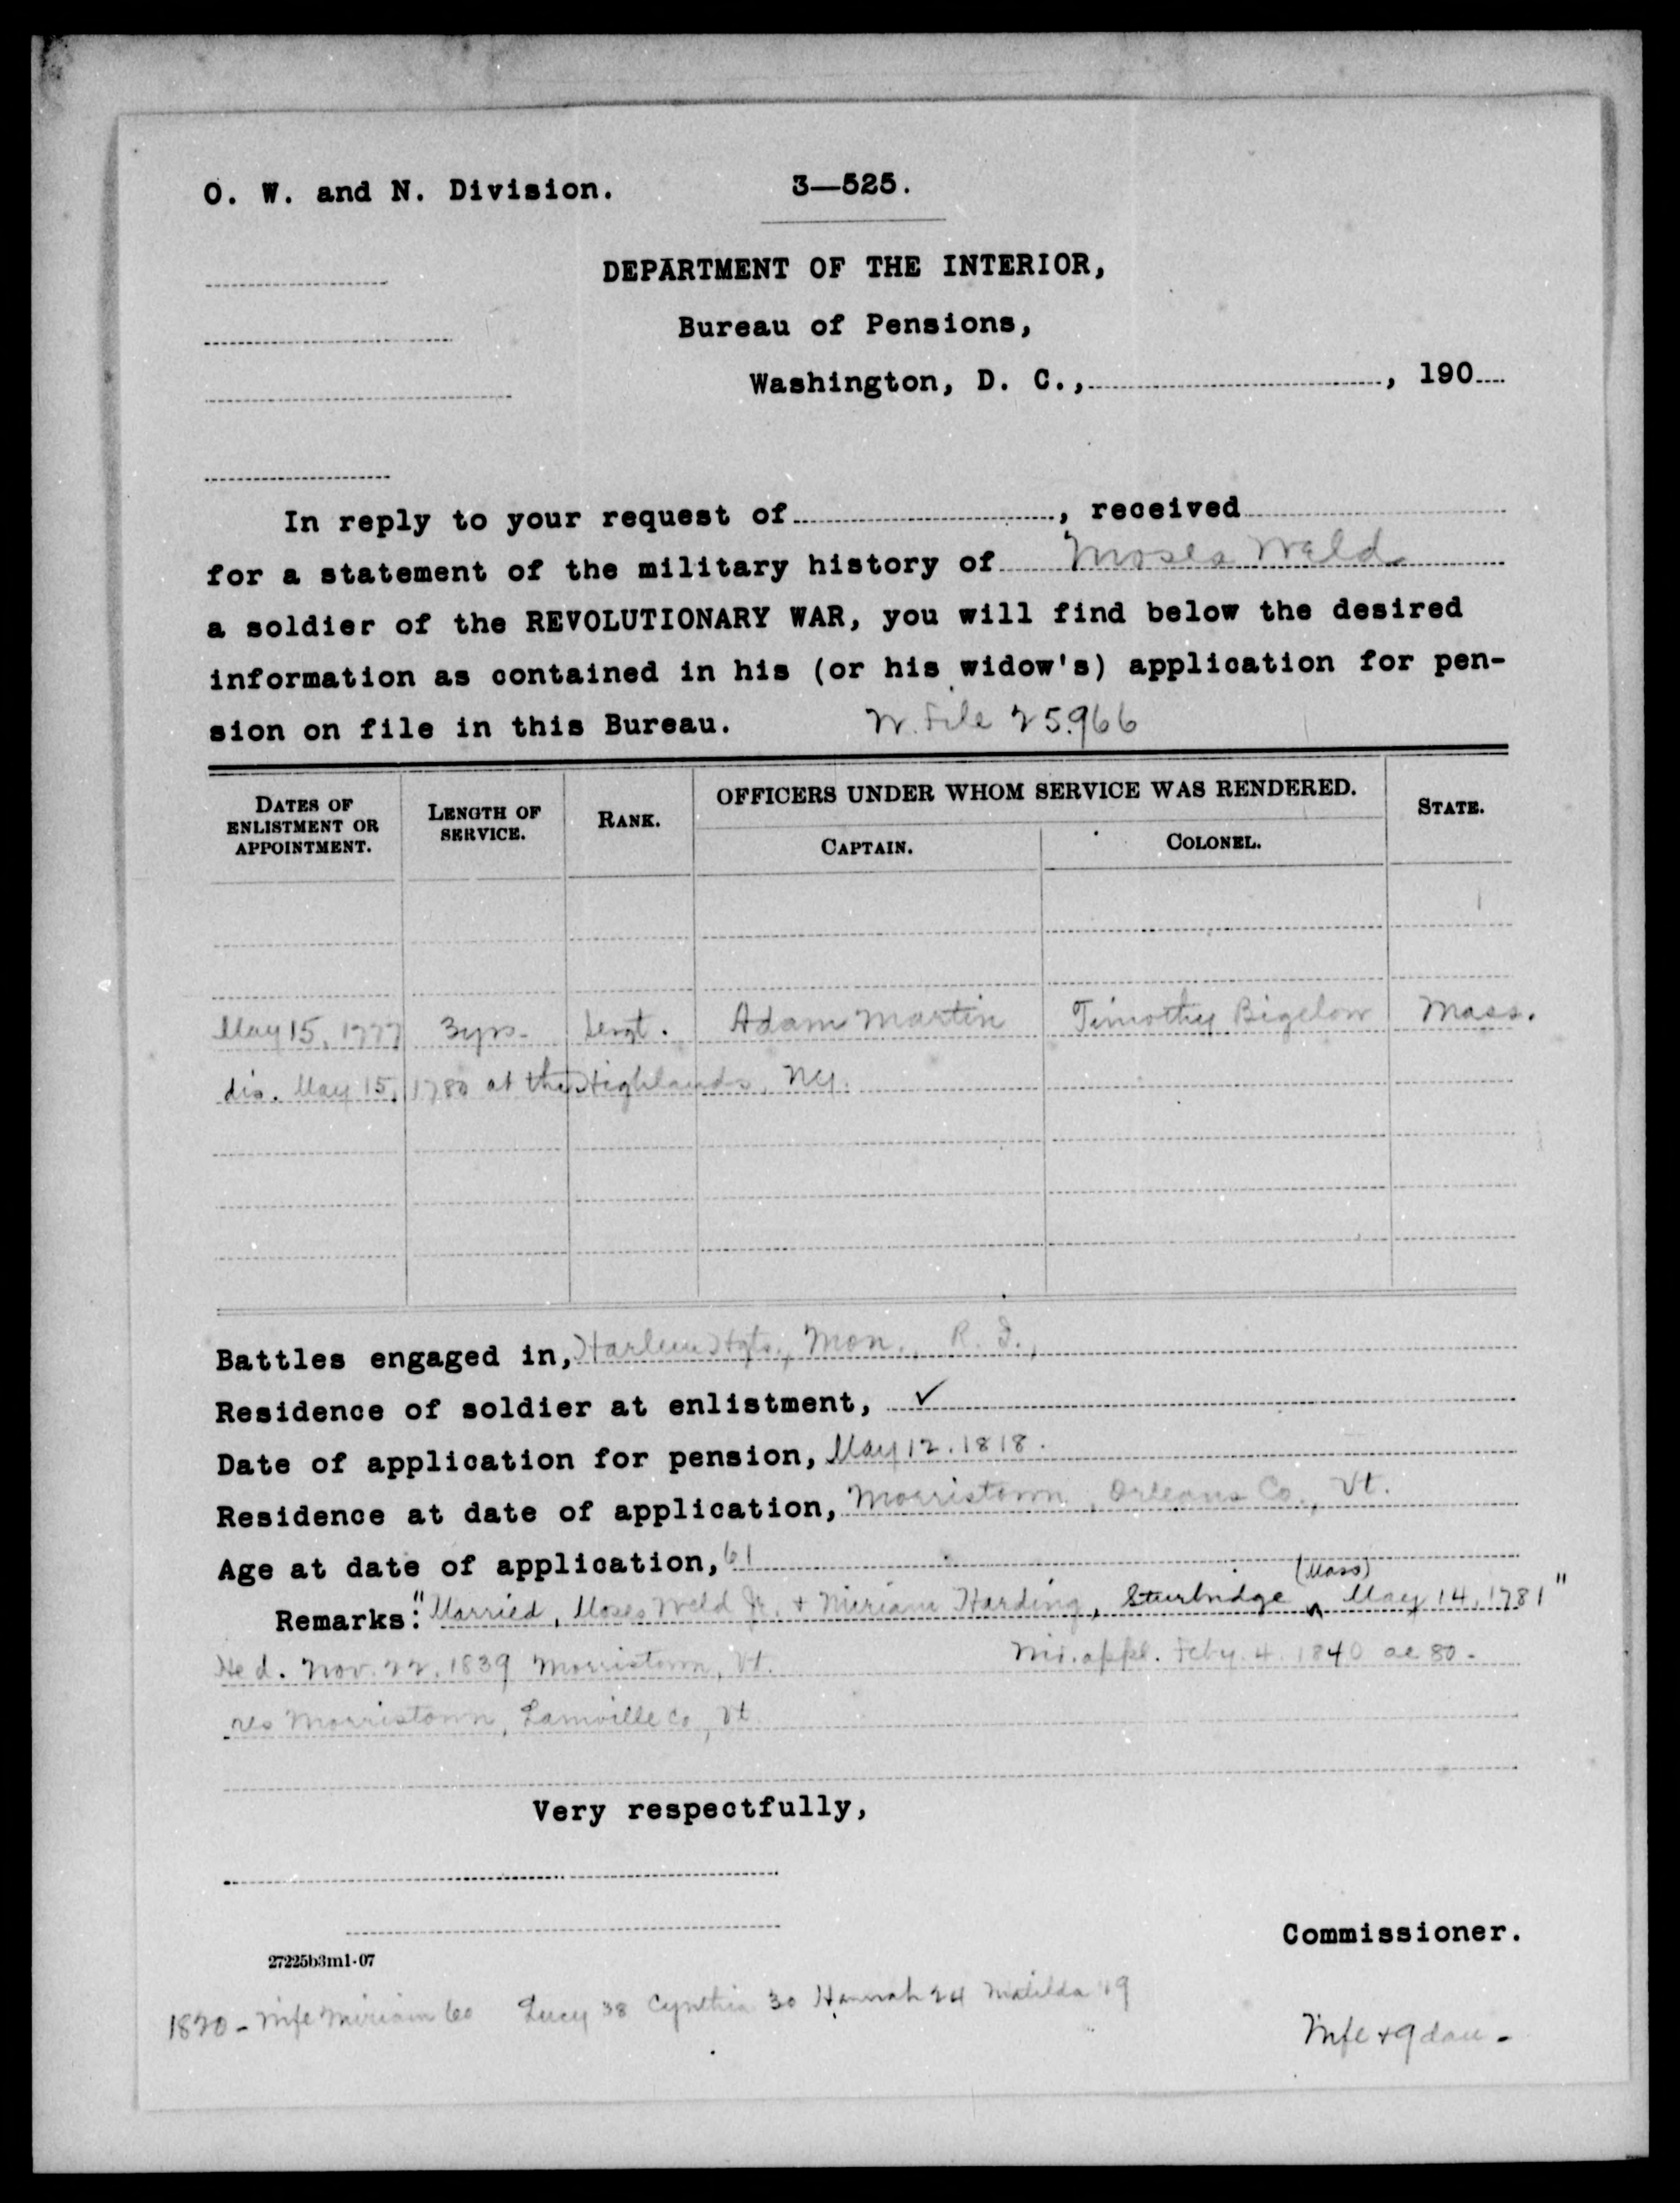O. W. and N. Division.   3 -- 525.
DEPARTMENT OF THE INTERIOR,
Bureau of Pensions,
Washington, D. C., _____, 190__
In reply to your request of ___, received ___
for a statement of the military history of Moses Weld a soldier of the REVOLUTIONARY WAR, you will find below the desired
mation as contained in his (or his widow's) application for pension on file in this Bureau.
W. File v5.966
DATES OF
ENLISTMENT OR
APPOINTMENT.
May 15, 1777
Dis. May 15, 1780 at the Highlands, NY
LENGTH OF
SERVICE.
3 yrs.
RANK.
Sergt.
OFFICERS UNDER WHOM SERVICE WAS RENDERED.
CAPTAIN.
Adam Martin
COLONEL.
Timothy Bigelow
STATE
Mass.
Battles engaged in, Harlem Hghts, Mon, R.I.
Residence of soldier at enlistment, [check mark]
Date of application for pension, May 12, 1818
Residence at date of application, Morristown Orleans Co. Vt.
Age at date of application, 61
Remarks: "Married, Moses Weld Jr. & Miriam Harding, Sturbridge Mass May 14, 1781"
Died. Nov. 22. 1839 Morristown, Vt.
Ms.appd Feby. 4. 1840 ae 80.
res Morristown, Lamoille Co. Vt
27225631 - 07
Very respectfully,
Commissioner.

1820 - wife Miriam 60, Lucy 38, Cynthia 30, Hannah 24 Matilda 19
Wife & 9 dau.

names: Lucy, Cynthia, Timothy Bigelow, Moses Weld, Matilda, Miriam Harding, Adam Martin, Hannah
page: 16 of 87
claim: widow's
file: W. 25,966, Moses Weld, Mass.